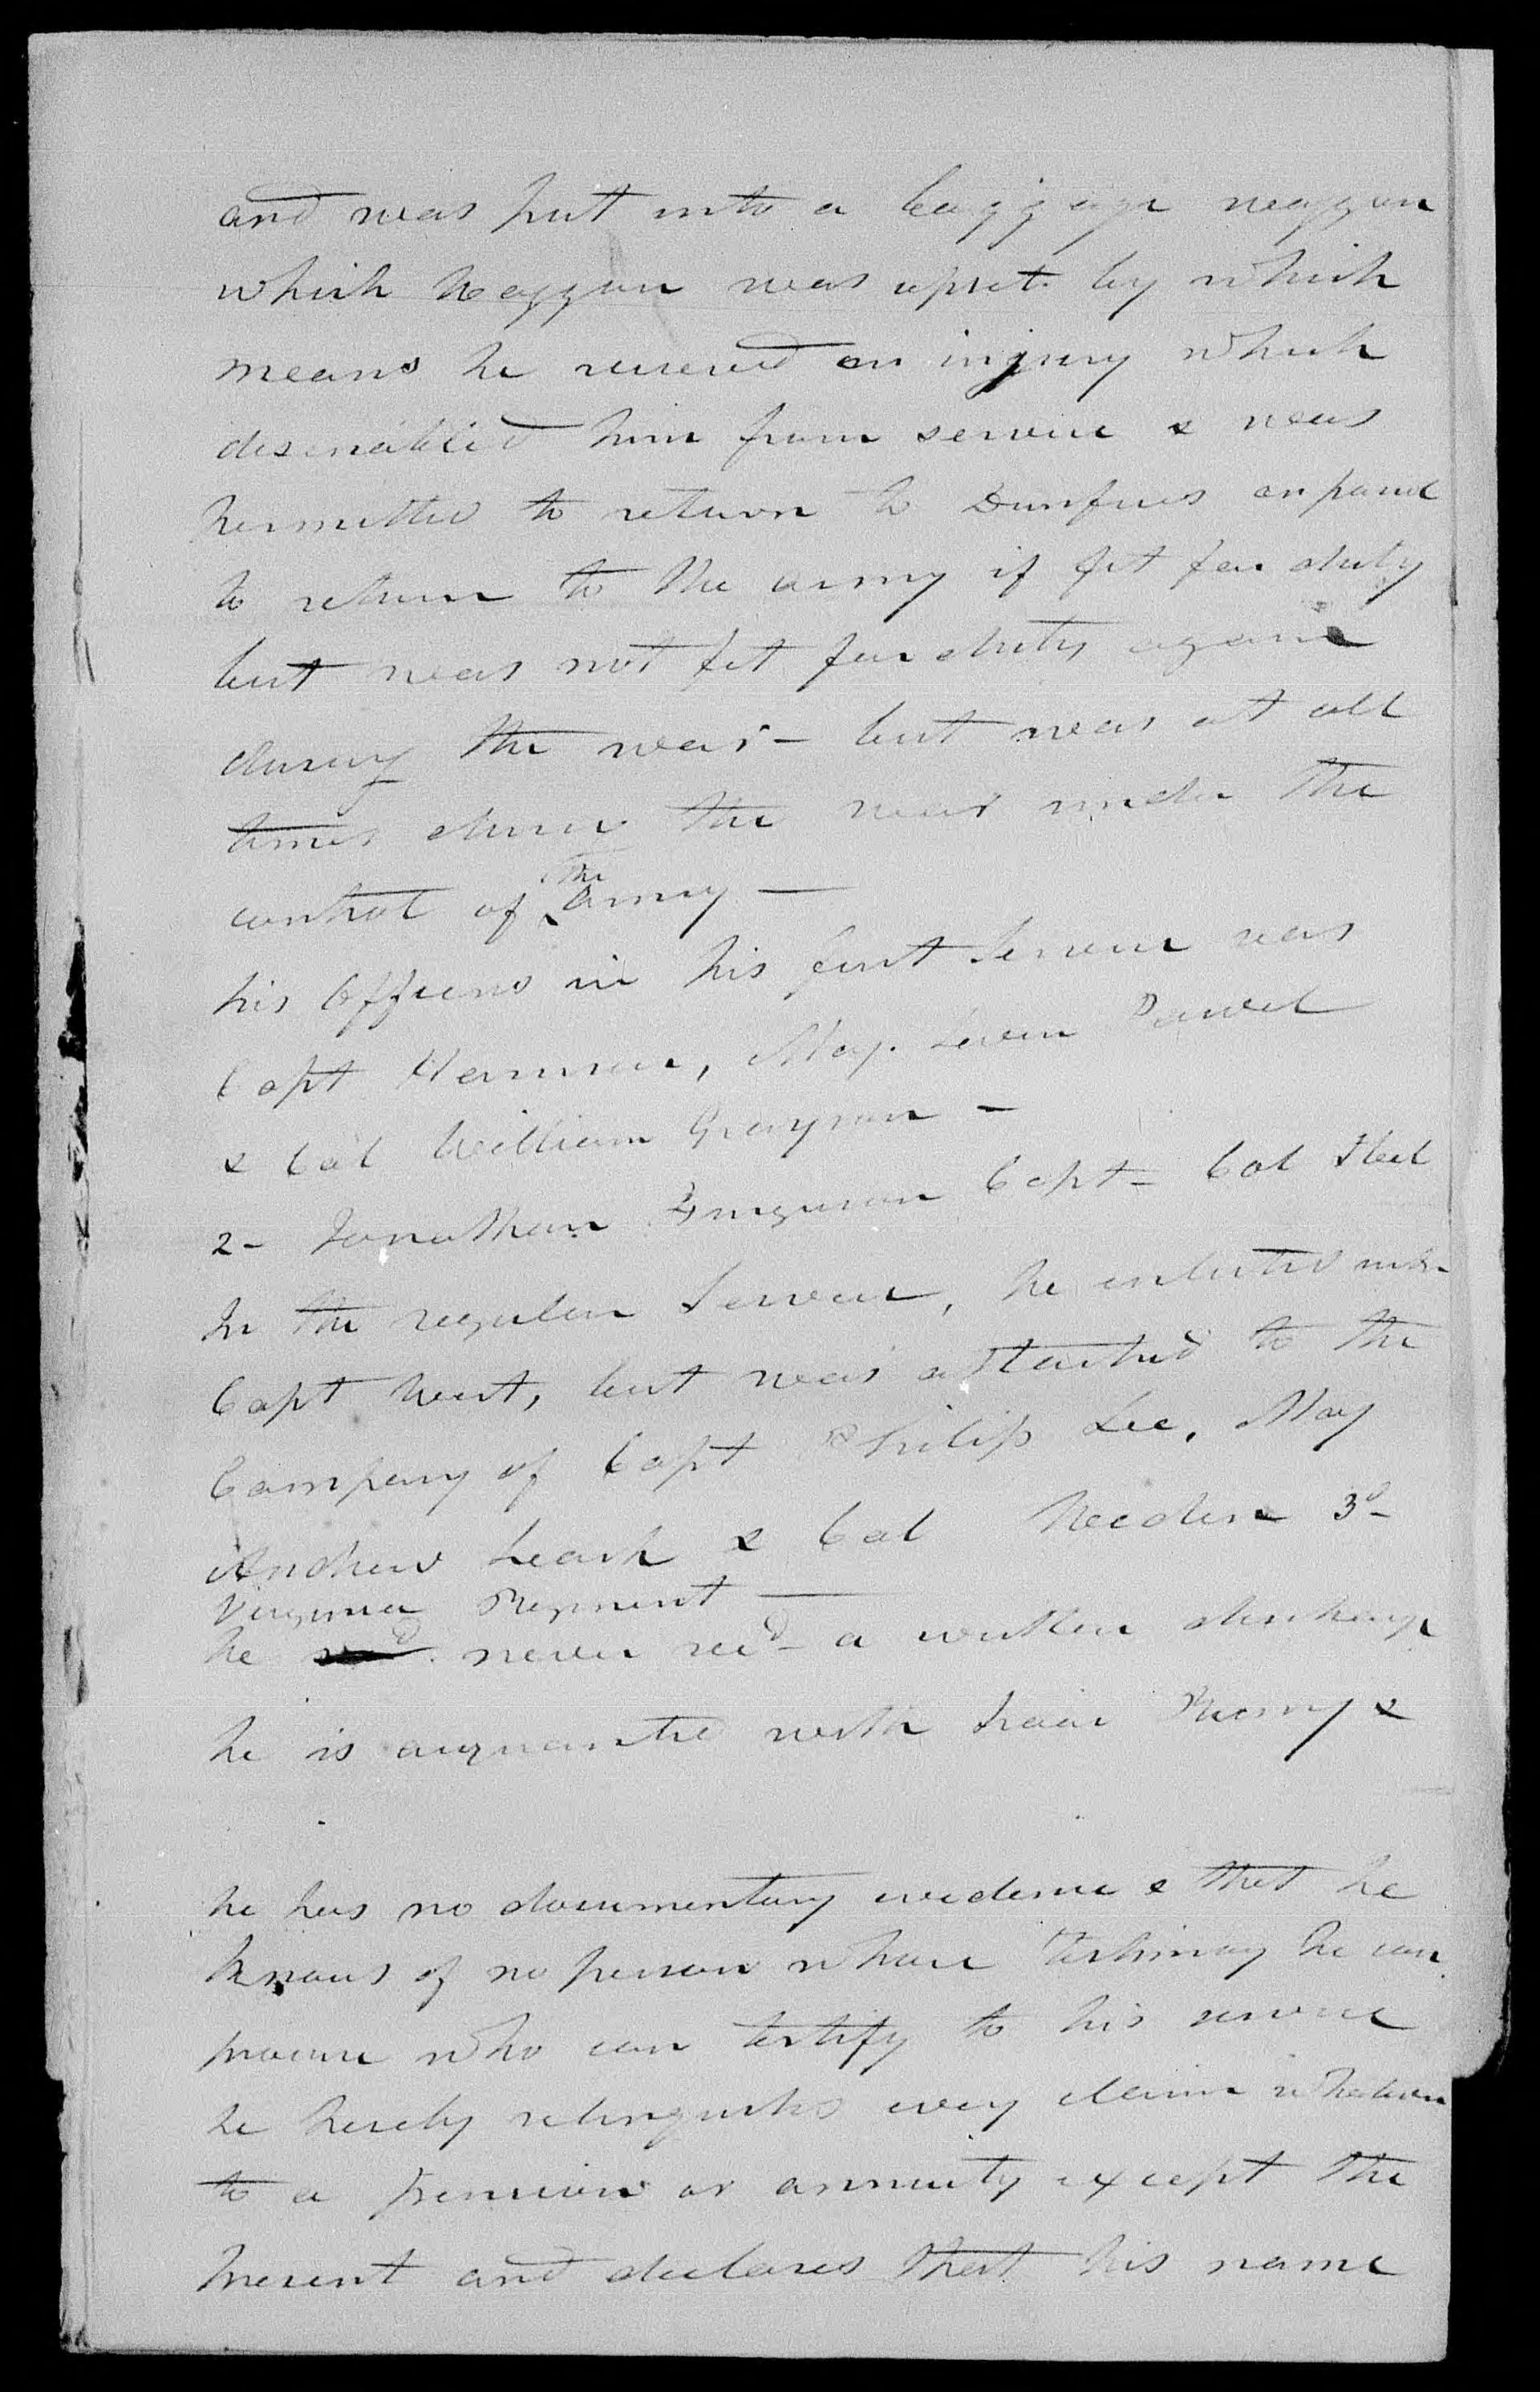and was put into a baggage wagon
which waggon was upset by which
means he receved an injury which
disabled him from service & was
permitted to return to Dumfries [illegible]
to return to the army of fit for duty
but was not fit for duty again
during the war-- but was at all
times [illegible] the war under the
control of the army _
his officers in his first service was
Capt Harrison, Maj. Levin Powel-
& Col William Grayson _
& - Jonathan Furguson Capt _ Col [Illegible]
In the regular service, he enlisted under
Capt West, but was attached to the
Company of Capt Philip Lee, Maj
Andrew Leach & Col Weedon 3d
Virginia Regiment _
He [crossed out, illegible] never recd a written discharge
he is acquanted with [two words, illegible] &
he has no documentary evidence & that he
knows of no person whose testimony he can
procure who can testify to his service
he hereby relinquishes every claim whatever
to a pension or annuity except the
present and declares that his name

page: 10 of 56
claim: rejected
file: R 5529, for Samuel Jackson, Virginia